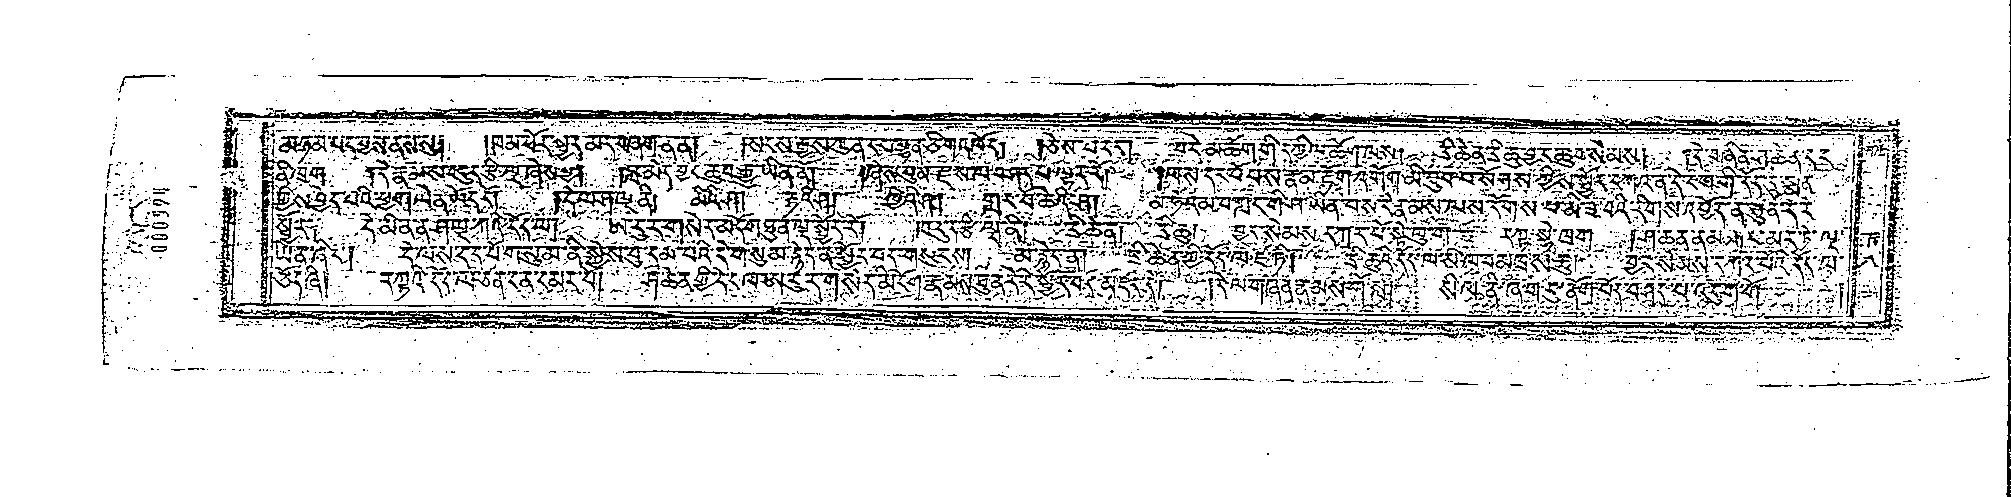མཉམ་པར་བྱས་ནས་སུ། །ཁམ་ཕོར་སྦྱར་མར་བཞག་ནན། །སངས་རྒྱས་ཀུན་དང་ལྷན་ཅིག་འཁོད། །ཅེས་པ་དང་། བདེ་མཆོག་གི་དཀྱིལ་ཆོག་ལས། དྲི་ཆེན་དྲི་ཆུ་བྱང་ཆུབ་སེམས། །དེ་བཞིན་ཤ་ཆེན་དང་
ནི་ཁྲག །དེ་རྣམས་བདུད་རྩི་ལྔ་ཞེས་བྱ། །བླ་མེད་བྱང་ཆུབ་རྒྱུ་ཡིན་ནོ། །ཞེས་བུམ་རྫས་ལ་བཤད་པ་ལྟར་རོ། །ལས་དང་པོ་པས་རྣམ་རྟོག་འགོག་མི་ཐུབ་པ་སོགས་ཀྱིས་སྦྱོར་དཀའ་ན་དེ་དག་གི་དོད་དུ་སྨན་
གྱིས་བྱེད་པའི་ཕྱག་ལེན་ཡོད་དོ། །དེ་ལ་ཤ་ལྔ་ནི། མིའི་ཤ། རྟའི་ཤ། ཁྱིའི་ཤ། གླང་པོ་ཆེའི་ཤ། མ་ཧེའམ་བ་གླང་གི་ཤ་ཡིན་པས་དེ་རྣམས་ལས་དོགས་པ་མི་ཟ་བའི་རིགས་འབྱོར་ན་ཐུན་རེ་རེ་
སྦྱོར༑ དེ་མིན་ན་ཤ་ལྔ་ཀའི་དོད་ལ། ཨ་རུ་ར་གསེར་མདོག་ཐུན་ལྔ་སྤྱོར་རོ། །བདུད་རྩི་ལྔ་ནི། དྲི་ཆེན། དྲི་ཆུ། བྱང་སེམས་དཀར་པོ་སྟེ་ཁུ་བ། རཀྟ་སྟེ་ཁྲག །ཤ་ཆེན་ནམ་རྐང་མར་ཏེ་ལྔ་
ཡིན་ཞིང་། དེ་ལས་དད་པོ་གསུམ་ནི་སྐྱེས་བུ་དམ་པའི་དེ་གསུམ་རྙེད་ན་སྤྱོར་བར་གསུངས། མ་རྙེད་ན། དྲི་ཆེན་གྱི་དོད་ལ་ཛ་ཏི། དྲི་ཆུའི་དོང་ལ་སིལ་བམ་ཁྲས་ཆུ། བྱང་སེམས་དཀར་པོའི་དོད་ལ་
ཅོད་ཞི། རཀྟའི་དོང་ལ་ཙན་དན་དམར་པོ། ཤ་ཆེན་གྱི་དོང་ལ་ཨ་རུ་ར་གསེར་མི་དོག་རྣམས་ཐུན་རེ་རེ་སྦྱོར་བར་མཛད་དོ། །དེ་ལ་གཞན་རྣམས་གོ་སླ། སིལ་ནི་ཞག་རུ་ནོག་པོར་བཤད་པ་འདུག་གོ །